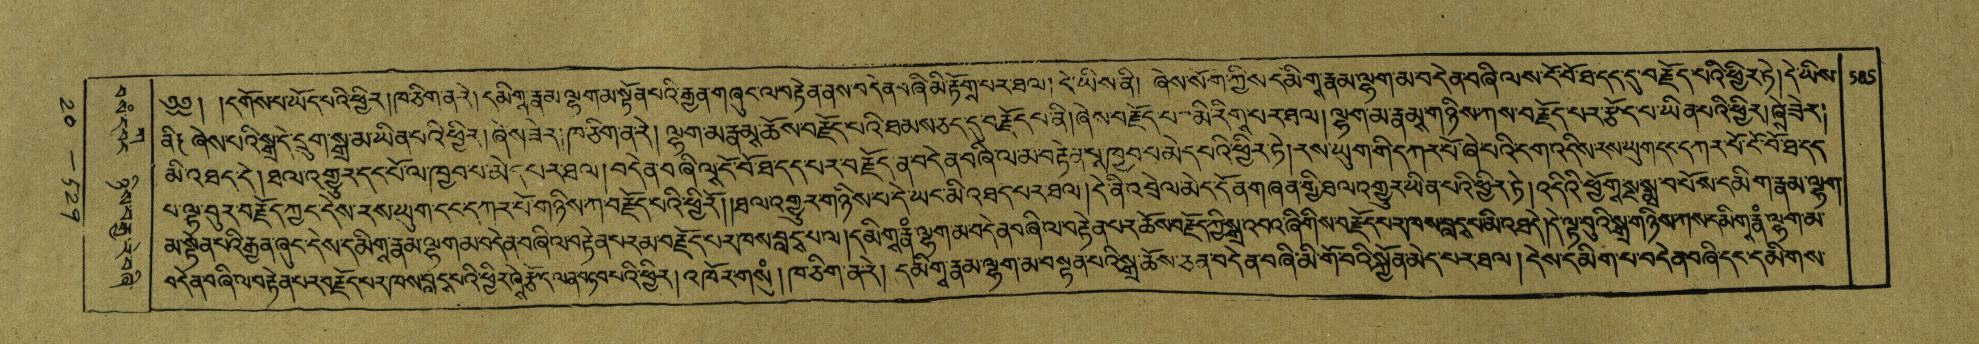༄༅། །དགོས་པ་ཡོད་པའི་ཕྱིར། ཁ་ཅིག་ན་རེ། དམིགས་རྣམ་ལྷག་མ་སྟོན་པའི་རྒྱན་གཞུང་ལ་བརྟེན་ནས་བདེན་བཞི་མི་རྟོགས་པར་ཐལ། དེ་ཡིས་ནི། ཞེས་སོག་ཀྱིས་དམིགས་རྣམ་ལྷག་མ་བདེན་བཞི་ལས་ངོ་བོ་ཐ་དད་དུ་བརྗོད་པའི་ཕྱིར་ཏེ། དེ་ཡིས་
ནི༑ ཞེས་པའི་སྒྲ་དེ་དྲུག་སྒྲ་མ་ཡིན་པའི་ཕྱིར། ཞེས་ཟེར། ཁ་ཅིག་ན་རེ། ལྷག་མ་རྣམས་ཆོས་བརྗོད་པའི་ཐམས་ཅད་དུ་བརྗོད་པ་ནི། ཞེས་བརྗོད་པ་མི་རིགས་པར་ཐལ། ལྷག་མ་རྣམས་གཉིས་ཀས་བརྗོད་པར་རྩོད་པ་ཡིན་པའི་ཕྱིར། ཞེས་ཟེར།
མི་འཐད་དེ། ཐལ་འགྱུར་དང་པོ་ལ་ཁྱབ་པ་མེད་པར་ཐལ། བདེན་བཞི་ལ་ངོ་བོ་ཐ་དད་པར་བརྗོད་ན་བདེན་བཞི་ལ་མ་བརྟེན་པས་ཁྱབ་པ་མེད་པའི་ཕྱིར་ཏེ། རས་ཡུག་གི་དཀར་པོ་ཞེ་པའི་ངག་འདིས་རས་ཡུག་དང་དཀར་པོ་ངོ་བོ་ཐ་དད་
པ་ལྟ་བུར་བརྗོད་ཀྱང་དེས་རས་ཡུག་དང་དཀར་པོ་གཉིས་ཀ་བརྗོད་པའི་ཕྱི་རོ། །ཐལ་འགྱུར་གཉིས་པ་དེ་ཡང་མི་འཐད་པར་ཐལ། དེ་ནི་འབྲེལ་མེད་དོན་གཞན་གྱི་ཐལ་འགྱུར་ཡིན་པའི་ཕྱིར་ཏེ། འདིའི་ཕྱོགས་སྔ་སྨྲ་བ་པོས་དམིགས་རྣམ་ལྷག་
མ་སྟེན་པའི་རྒྱན་ཞུང་དེས་དམིགས་རྣམ་ལྷག་མ་བདེན་བཞི་ལ་བརྟེན་པར་མ་བརྗོད་པར་ཁས་བླངས་པ་ལ། དམིགས་རྣམས་ལྷག་མ་བདེན་བཞི་ལ་བརྟེན་པར་ཆོས་བརྗོད་ཀྱི་སྒྲ་འབའ་ཞི་གིས་བརྗོད་པར་ཁས་བླངས་པ་མི་འཐེད། དེ་ལྟ་བུའི་སྒྲ་གཉིས་ཀས་དམིགས་རྣམ་ལྷག་མ་
བདེན་བཞི་ལ་བརྟེན་པར་བརྗོད་པར་ཁས་བླངས་པའི་ཕྱིར་ཞེས་རྩོད་ལན་བཏབ་པའི་ཕྱིར། འཁོར་གསུཾ། ཁ་ཅིག་ན་རེ། དམིགས་རྣམ་ལྷག་མ་བསྟན་པའི་སྒྲ་ཆོས་ཅན་བདེན་བཞི་མི་གོ་བའི་སྐྱོན་མེད་པར་ཐལ། ངེས་དམིགས་པ་བདེན་བཞི་དང་དམིགས་